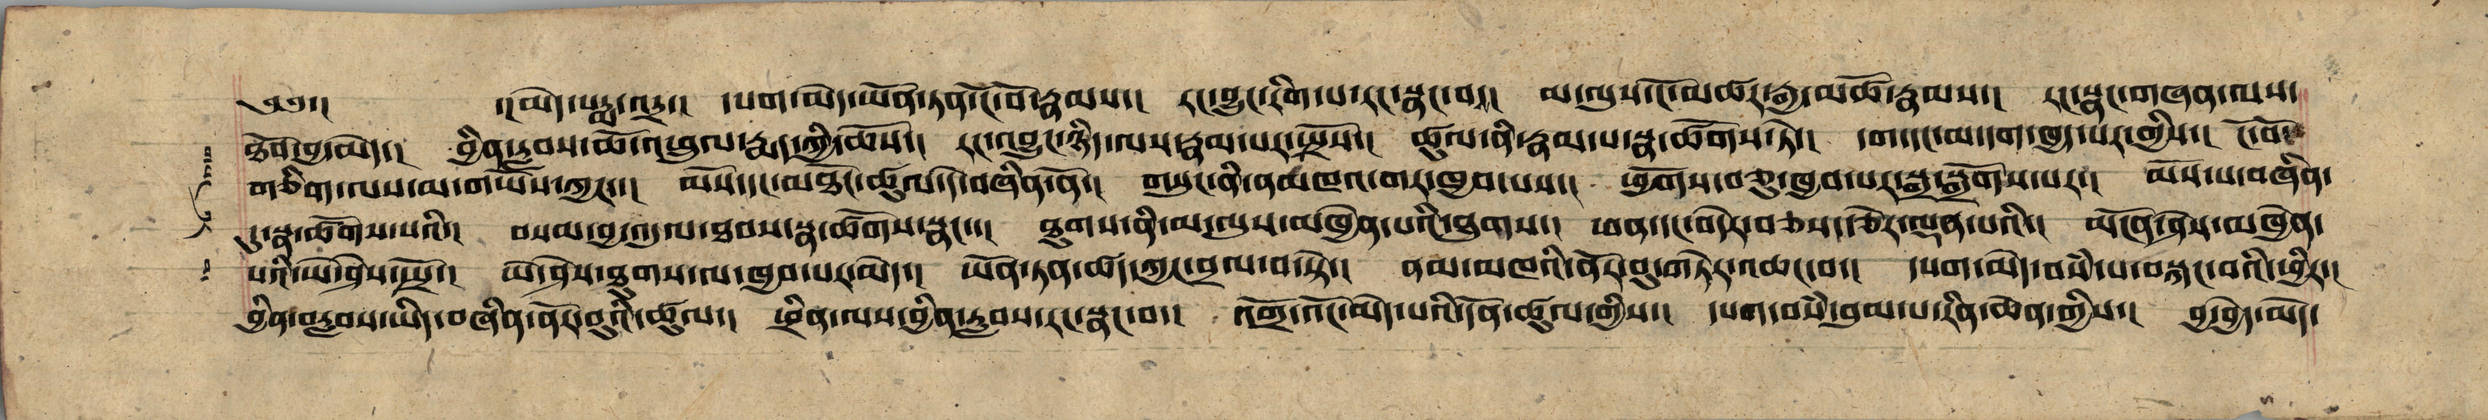༄༅་། ་།མེད་པདྨ་འདྲ་། དཔག་མེད་ཡོན་ཏན་ངོ་བོ་རྣམས་། རང་བྱུང་རིག་པ་རང་སྣང་བས་། མ་ལུས་ངོ་མཚར་རྒྱ་མཚོ་རྣམས་། རང་སྣང་གཞན་ལས་
ཐོབ་བྱ་མེད་། བྱིན་རླབས་ཆོ་འཕྲུལ་རྨད་ཀྱི་ཆོས་། རང་འབྱུང་ཉིད་ལས་རྣམ་པར་སྤྲོས་། ཚུལ་ནི་རྣམ་པ་སྣ་ཚོགས་ཏེ་། དག་དང་མ་དག་ཁྱད་པར་གྱིས་། ངོ་བོ་
གཅིག་ལས་མ་གཡོས་ཀྱང་་། མོས་དང་མཐོང་ཚུལ་དེ་བཞིན་ནོ་། གསུང་ནི་ནམཁའ་གར་ཁྱབ་པས་། ཕྱོགས་བཅུ་ཁྱབ་པར་སྒྲ་སྒྲོགས་པར་། མོས་པ་བཞིན་
དུ་སྣ་ཚོགས་པའི་། བསམ་བྱ་འདུལ་ཐབས་སྣ་ཚོགས་སྣང་་། ཐུགས་ནི་མ་ལུས་མཁྱེན་པའི་ཐུགས་། ཕན་དང་བདེར་བཅས་རྩེར་ལྡན་པའི་། མངོན་ཤེས་མཁྱེན་
པའོ་ཡེ་ཤེས་སྤྲོ་། ཡེ་ཤེས་ཐུགས་ལ་ཁྱབ་པར་མེད་། ཡོན་ཏན་ཚད་ཀྱང་བྲལ་བ་སྟེ་། ནམ་མཁའི་ནོར་བུ་གཏེར་འཆང་བ་། དཔག་མེད་བསཾ་པ་བསྐང་བའི་ཕྱིར་།
བྱིན་བརླབས་ཡིད་བཞིན་ནོར་བུའི་ཚུལ་། ཕྲིན་ལས་བྱིན་རླབས་རང་སྣང་བ་། འགྲོ་འོང་མེད་པའི་དོན་ཚུལ་གྱིས་། དཔག་བསཾ་བུམ་པ་རིན་ཆེན་གྱིས་། བྱ་བྱེད་མེད་